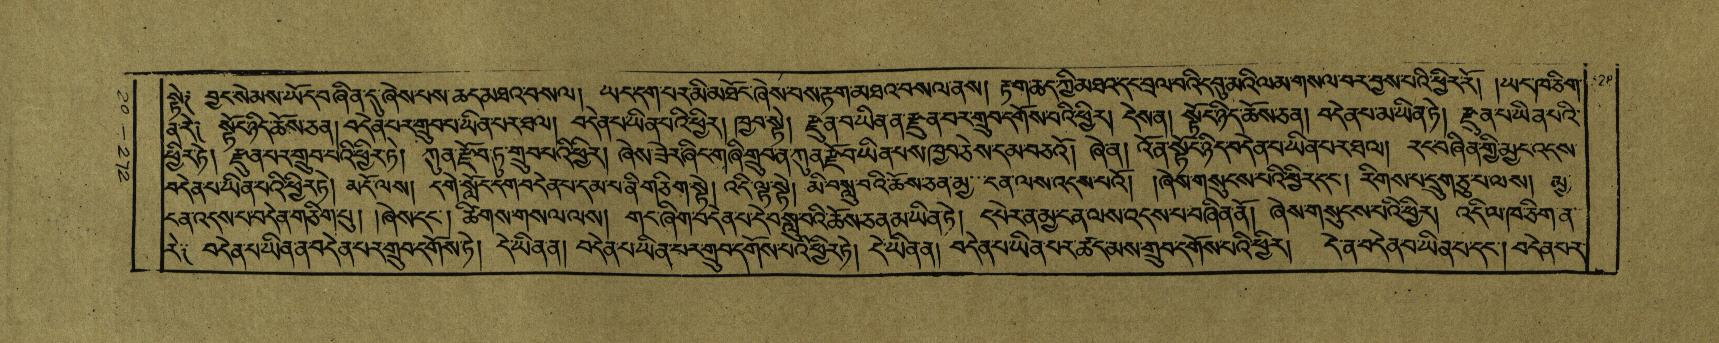སྟེ༑ བྱང་སེམས་ཡོད་བཞིན་དུ་ཞེས་པས་ཆད་མཐའ་བསལ། ཡང་དག་པར་མི་མཐོང་ཞེས་པས་རྟག་མཐའ་བསལ་ནས། རྟག་ཆད་ཀྱི་མཐའ་དང་བྲལ་བའི་དབུ་མའི་ལམ་གསལ་བར་བྱས་པའི་ཕྱིར་རོ། །ཡང་ཁ་ཅིག་
ན་རེ༑ སྟོང་ཉིད་ཆོས་ཅན། བདེན་པར་གྲུབ་པ་ཡིན་པར་ཐལ། བདེན་པ་ཡིན་པའི་ཕྱིར། ཁྱབ་སྟེ། རྫུན་བ་ཡིན་ན་རྫུན་པར་གྲུབ་དགོས་པའི་ཕྱིར། དེས་ན། སྟོང་ཉིད་ཆོས་ཅན། བདེན་པ་མ་ཡིན་ཏེ། རྫུན་པ་ཡིན་པའི་
ཕྱིར་ཏེ། རྫུན་པར་གྲུབ་པའི་ཕྱིར་ཏེ། ཀུན་རྫོབ་ཏུ་གྲུབ་པའི་ཕྱིར། ཞེས་ཟེར་ཞིང་གཞི་གྲུབ་ན་ཀུན་རྫོབ་ཡིན་པས་ཁྱབ་ཅེས་དམ་བཅའོ། ཞེ་ན། འོ་ན་སྟོང་ཉིད་བདེན་པ་ཡིན་པར་ཐལ། རང་བཞིན་གྱི་མྱང་འདས་
བདེན་པ་ཡིན་པའི་ཕྱིར་ཏེ། མདོ་ལས། དགེ་སློང་དག་བདེན་པ་དམ་པ་ནི་གཅིག་སྟེ། འདི་ལྟ་སྟེ། མི་བསླུ་བའི་ཆོས་ཅན་མྱ་ངན་ལས་འདས་པའོ། །ཞེས་གསུངས་པའི་ཕྱིར་དང་། རིགས་པ་དྲུག་ཅུ་པ་ལས། མྱ་
ངན་འདས་པ་བདེན་གཅིག་པུ། །ཞེས་དང་། ཚིགས་གསལ་ལས། གང་ཞིག་བདེན་པ་དེ་བསླུ་བའི་ཆོས་ཅན་མ་ཡིན་ཏེ། དཔེར་ན་མྱ་ངན་ལས་འདས་པ་བཞིན་ནོ། ཞེས་གསུངས་པའི་ཕྱིར། འདི་ལ་ཁ་ཅིག་ན་
རེ༑ བདེན་པ་ཡིན་ན་བདེན་པར་གྲུབ་དགོས་ཏེ། དེ་ཡིན་ན། བདེན་པ་ཡིན་པར་གྲུབ་དགོས་པའི་ཕྱིར་ཏེ། དེ་ཡིན་ན། བདེན་པ་ཡིན་པར་ཚད་མས་གྲུབ་དགོས་པའི་ཕྱིར། དེ་ན་བདེན་པ་ཡིན་པ་དང་། བདེན་པར་